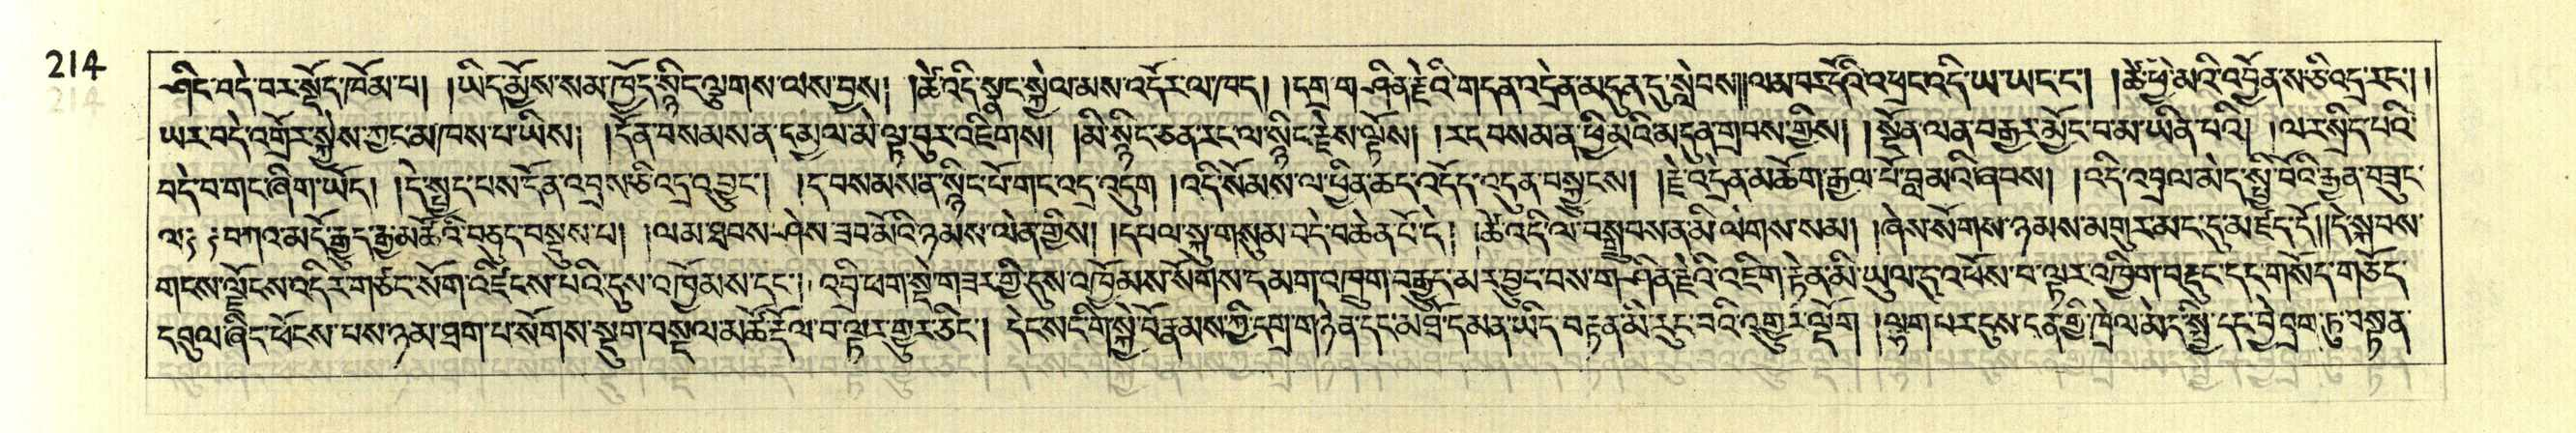ཤིང་བདེ་བར་སྡོད་ཁོམ་པ། །ཡིད་མྱོས་སམ་ཁྱོད་སྙིང་ལྕགས་ལས་བྱས། །ཚེ་འདི་སྣང་སྐྱེལ་མས་འདོར་ལ་ཁད། །དགྲ་གཤིན་རྗེའི་གདན་འདྲེན་མདུན་དུ་སླེབས། །ལམ་བར་དོའི་འཕྲང་འདི་ཡ་ཡང་ང་། །ཚེ་ཕྱི་མའི་འབྱོན་ས་ཅི་འདྲ་རང་། །
ཡར་བདེ་འགྲོར་སྐྱེས་ཀྱང་མཁས་པ་ཡིས། །དོན་བསམས་ན་དམྱལ་མེ་ལྟ་བུར་འཇིགས། །མི་སྙིང་ཅན་རང་ལ་སྙིང་རྗེས་ལྟོས། །རང་བསམ་ན་ཕྱི་མའི་མདུན་གྲབས་གྱིས། །སྔོན་ལན་བརྒྱར་མྱོང་བ་མ་ཡིན་པའི། །ལར་སྲིད་པའི་
བདེ་བ་གང་ཞིག་ཡོད། །དེ་སྤྱད་པས་དོན་འབྲས་ཅི་འདྲ་འབྱུང་། །ད་བསམས་ན་སྙིང་པོ་གང་འདྲ་འདུག །འདི་སོམས་ལ་ཕྱིན་ཆད་འདོད་འདུན་བསྐྱུངས། །རྗེ་འདྲེན་མཆོག་རྒྱལ་པོ་བླ་མའི་ཞབས། །འདི་འབྲལ་མེད་སྤྱི་བོའི་རྒྱན་བཟུང་
ལ༑ ༑བཀའ་མདོ་རྒྱུད་རྒྱ་མཚོའི་བཅུད་བསྡུས་པ། །ལམ་ཐབས་ཤེས་ཟབ་མོའི་ཉམས་ལེན་གྱིས། །དཔལ་སྐུ་གསུམ་བདེ་བ་ཆེན་པོ་དེ། །ཚེ་འདི་ལ་བསྒྲུབས་ན་མི་ལེགས་སམ། །ཞེས་སོགས་ཉམས་མགུར་མང་དུ་མཛད་དོ། །དེ་སྐབས་
གངས་ལྗོངས་འདིར་གཙང་སོག་འཛིངས་པའི་དུས་འཁྱོམས་དང་། འབྲི་ཕག་སྡེ་གཟར་གྱི་དུས་འཁྱིམས་སོགས་དམག་འཁྲུག་བརྒྱུད་མར་བྱུང་བས་གཤིན་རྗེའི་འཇིག་རྟེན་མི་ཡུལ་དུ་འཕོས་བ་ལྟར་འཁྱིག་བརྡུང་དང་གསོད་གཅོད་
དབུལ་ཞིང་ཕོངས་པས་ཉམ་ཐག་པ་སོགས་སྡུག་བསྔལ་མཚོ་རྡོལ་བ་ལྟར་གྱུར་ཅིང་། དེང་སང་གི་སྐྱེ་བོ་རྣམས་ཀྱི་དགྲ་གཉེན་དང་མཐོ་དམན་ཡིད་བརྟན་མི་རུང་བའི་འགྱུར་ལྡོག །ལྷག་པར་དུས་ངན་གྱི་ཁྲེལ་མེད་སྤྱི་དང་བྱེ་བྲག་ཏུ་བསྟན་